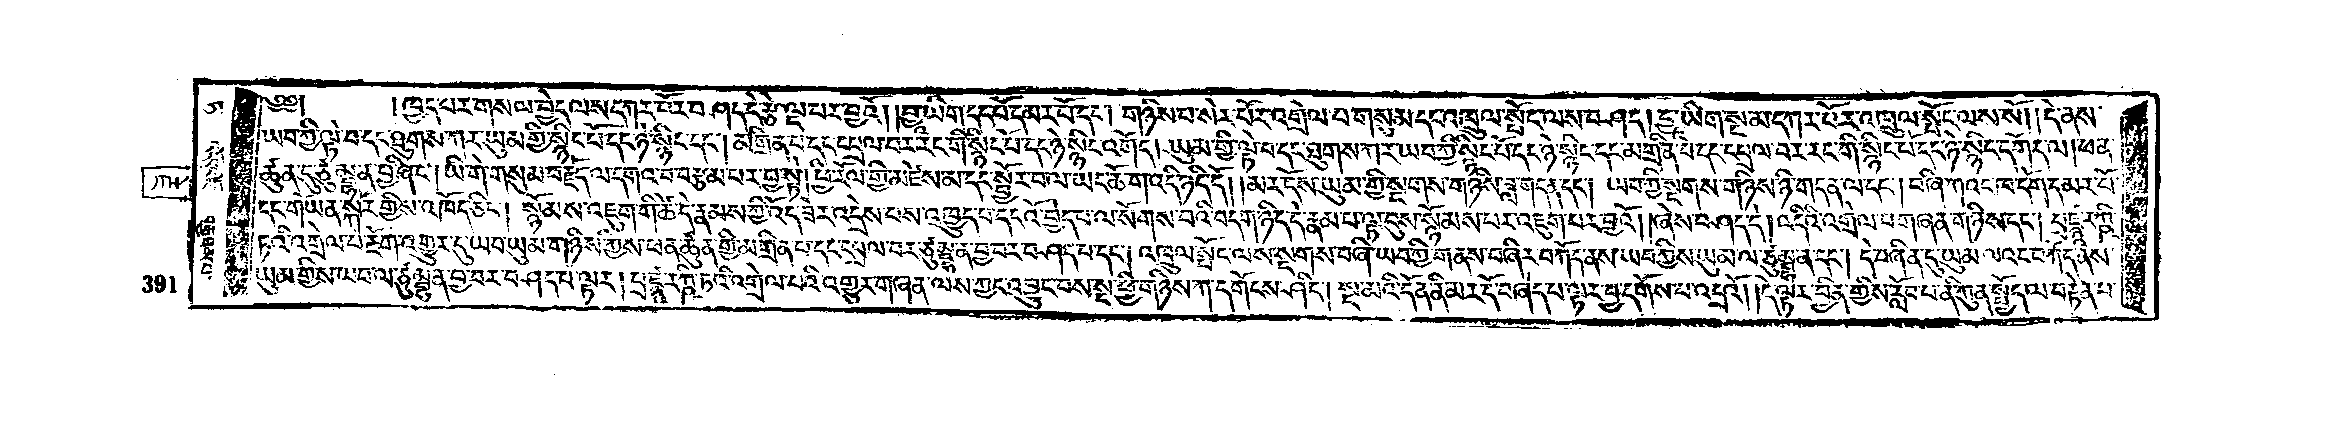༄༅། །ཁྱད་པར་གསལ་བྱེད་ལས་དཀར་པོར་བཤད་དེ་རྩེ་ལྔ་པར་བྱའོ། །བྱ་ཡིག་དང་པོ་དམར་པོ་དང་། གཉིས་པ་སེར་པོར་འགྲེལ་པ་གསུམ་དང་འཁྲུལ་སྤོང་ལས་བཤད། དྱཱ་ཡིག་སྔ་མ་དཀར་པོར་འཁྲུལ་སྤོང་ལས་སོ། །དེ་ནས་
ཡབ་ཀྱི་ལྟེ་བ་དང་ཐུགས་ཀར་ཡུམ་གྱི་སྙིང་པོ་དང་ཉེ་སྙིང་དང་། མགྲིན་པ་དང་དཔྲལ་པར་རིང་གི་སྙིང་པོ་དང་ཉེ་སྙིང་འགོད། ཡུམ་གྱི་ལྟེ་བ་དང་ཐུགས་ཀར་ཡབ་ཀྱི་སྙིང་པོ་དང་ཉེ་སྙིང་དང་མགྲིན་པ་དང་དཔྲལ་བར་རང་གི་སྙིང་པོ་དང་ཉེ་སྙིང་དགོད་ལ། ཕན་
ཚུན་དུ་ཙུམྦྷ་ན་བྱ་ཞིང་། ཡི་གེ་གསུམ་བརྗོད་ལ་དགའ་བ་བརྩམ་པར་བྱ་སྟེ། ཕྱི་རོལ་གྱི་མཛེས་མ་དང་སྦྱོར་བ་ལ་ཡང་ཆོ་ག་འདི་ཉིད་དོ། །མར་དོས་ཡུམ་གྱི་སྔགས་གཉིས་ཟླ་གདན་དང་། ཡབ་ཀྱི་སྔགས་གཉིས་ཉི་གདན་ལ་དང་། བཞི་ཀའང་ཁ་དོག་དམར་པོ་
དང་གྱོན་སྐོར་གྱིས་འཁོད་ཅིང་། སྙོམས་འཇུག་གི་ཚེ་དེ་རྣམས་ཀྱི་འོད་ཟེར་འདྲེས་པས་འཁྱུད་པ་དང་འོ་བྱེད་པ་ལ་སོགས་པའི་བདག་ཉིད་དེ་རྣམ་པ་ལྟ་བུས་སྙོམས་པར་འཇུག་པར་བྱའོ། །ཞེས་བཤད་དེ། འདིའི་འགྲེལ་པ་གཞན་གཉིས་དང་། པྲཛྙཱ་རཀྵི་
ཏའི་འགྲེལ་པ་རྔོག་འགྱུར་དུ་ཡབ་ཡུམ་གཉིས་ཀྱིས་ཕན་ཚུན་གྱི་མགྲིན་པ་དང་དཔྲལ་བར་ཙུམྦྷ་ན་བྱ་བར་བཤད་པ་དང་། འཁྲུལ་སྤོང་ལས་སྔགས་བཞི་ཡབ་ཀྱི་གནས་བཞིར་བཀོད་ནས་ཡབ་ཀྱིས་ཡུམ་ལ་ཙུམྦྷ་ན་དང་། དེ་བཞིན་དུ་ཡུམ་ལའང་བཀོད་ནས་
ཡུམ་གྱིས་ཡབ་ལ་ཙུམྦྷ་ན་བྱ་བར་བཤད་པ་ལྟར། པྲཛྙཱ་རཀྵི་ཏའི་འགྲེལ་པའི་འགྱུར་གཞན་ལས་ཀྱང་འབྱུང་བས་སྔ་ཕྱི་གཉིས་ཀ་དགོངས་ཤིང་། སྔ་མའི་དོན་ནི་མར་དོ་བཞེད་པ་ལྟར་བྱ་དགོས་པ་འདྲའོ། །དེ་ལྟར་བྱིན་གྱིས་རློབ་པ་ནི་ཀུན་སྤྱོད་ལ་བརྟེན་པ་